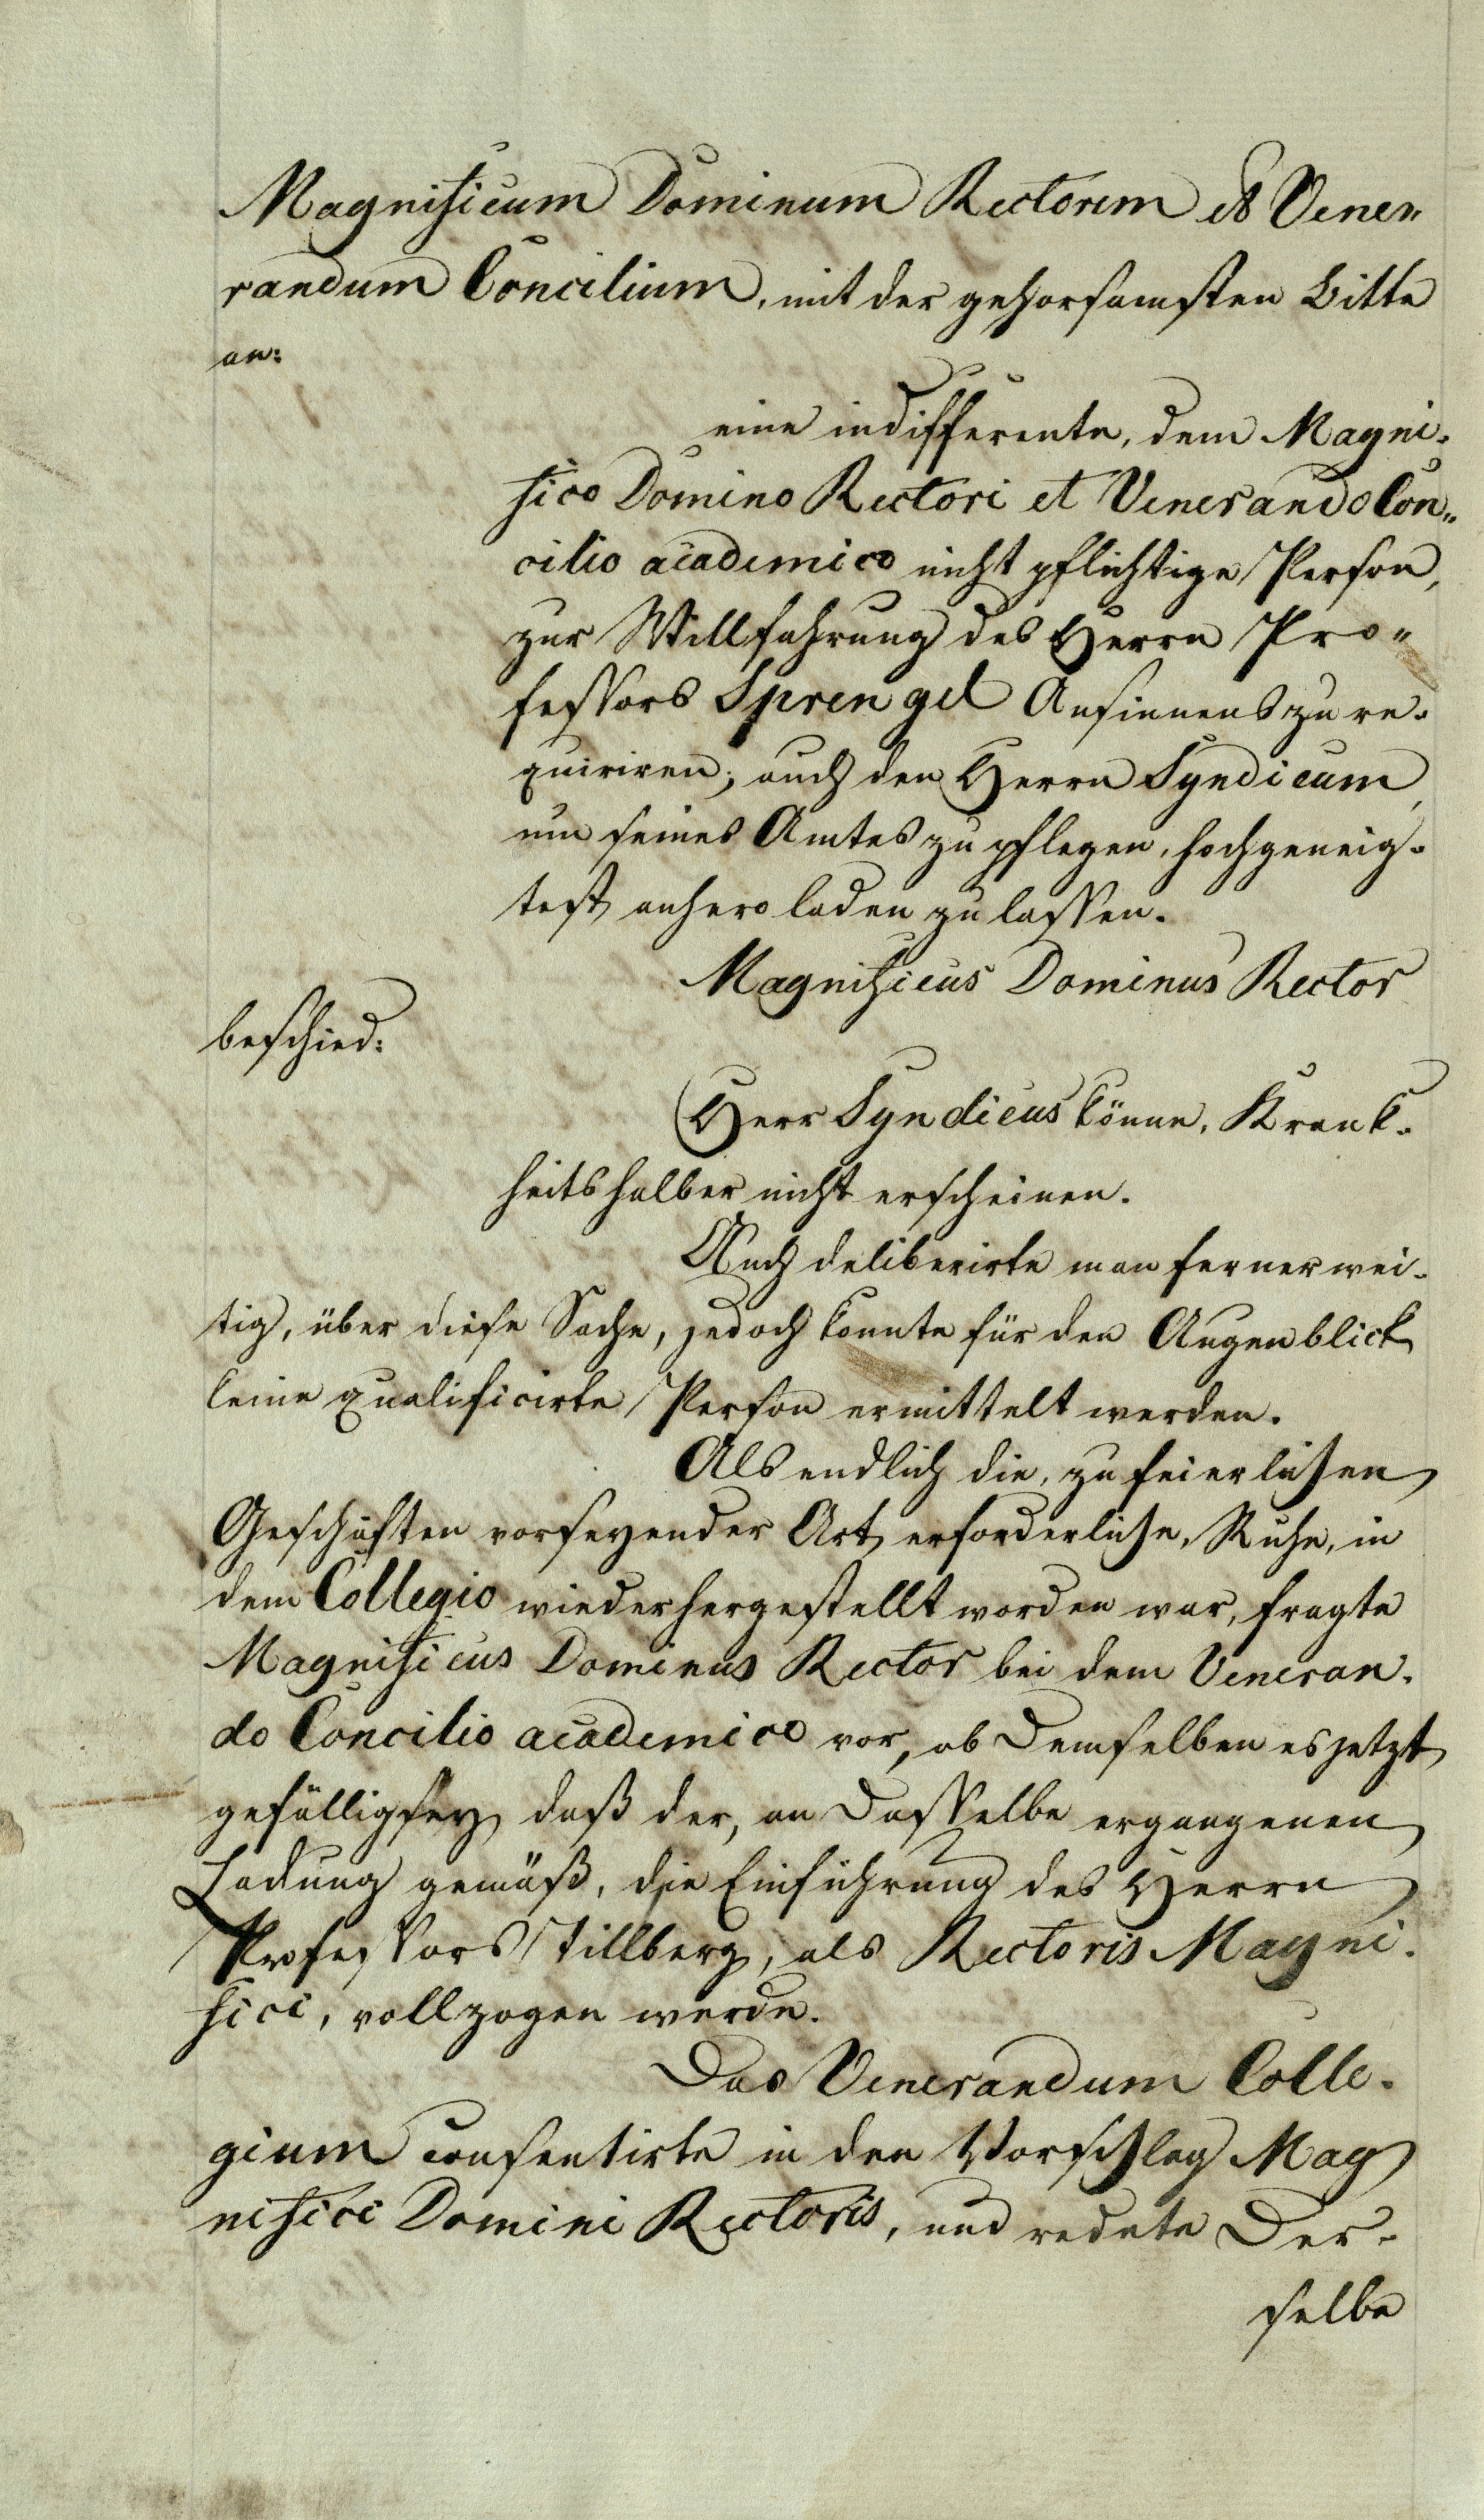Magnificum Dominum Rectorem et Vene¬
randum Concilium, mit der gehorsamsten Bitte
an:
eine indifferente, dem Magni¬
fico Domino Rectori et Venerado Con¬
cilio academico nicht pflichtige Person,
zur Willfahrung des Herrn Pro¬
fessors Sprengel Ansinnens zu re¬
quiriren; auch den Herrn Syndicum
um seines Amtes zu pflegen, hochgeneig¬
test anhero laden zu lassen.
Magnificius Dominus Rector
beschied:
Herr Syndicus könne, Krank¬
heits halber nicht erscheinen.
Auch deliberirte man ferner wei¬
tig, über diese Sache, jedoch könnte für den Augenblick
keine qualificirte Person ermittelt werden.
Als endlich die, zu feierlichen
Geschäften vorseyender Art, erforderliche Ruhe, in
dem Collegio wiederhergestellt worden war, fragte
Magnificus Dominus Rector bei dem Veneran¬
do Concilio academico vor, ob demselben es jetzt,
gefällig sey, daß der, an dasselbe ergangenen
Ladung gemäß, die Einführung des Herrn
Professors Tillberg, als Rectoris Magni¬
fici, vollzogen werde.
Das Venerandum Colle¬
gium consentirte in den Vorschlag Mag¬
nifici Domini Rectoris, und redete Der¬
selbe